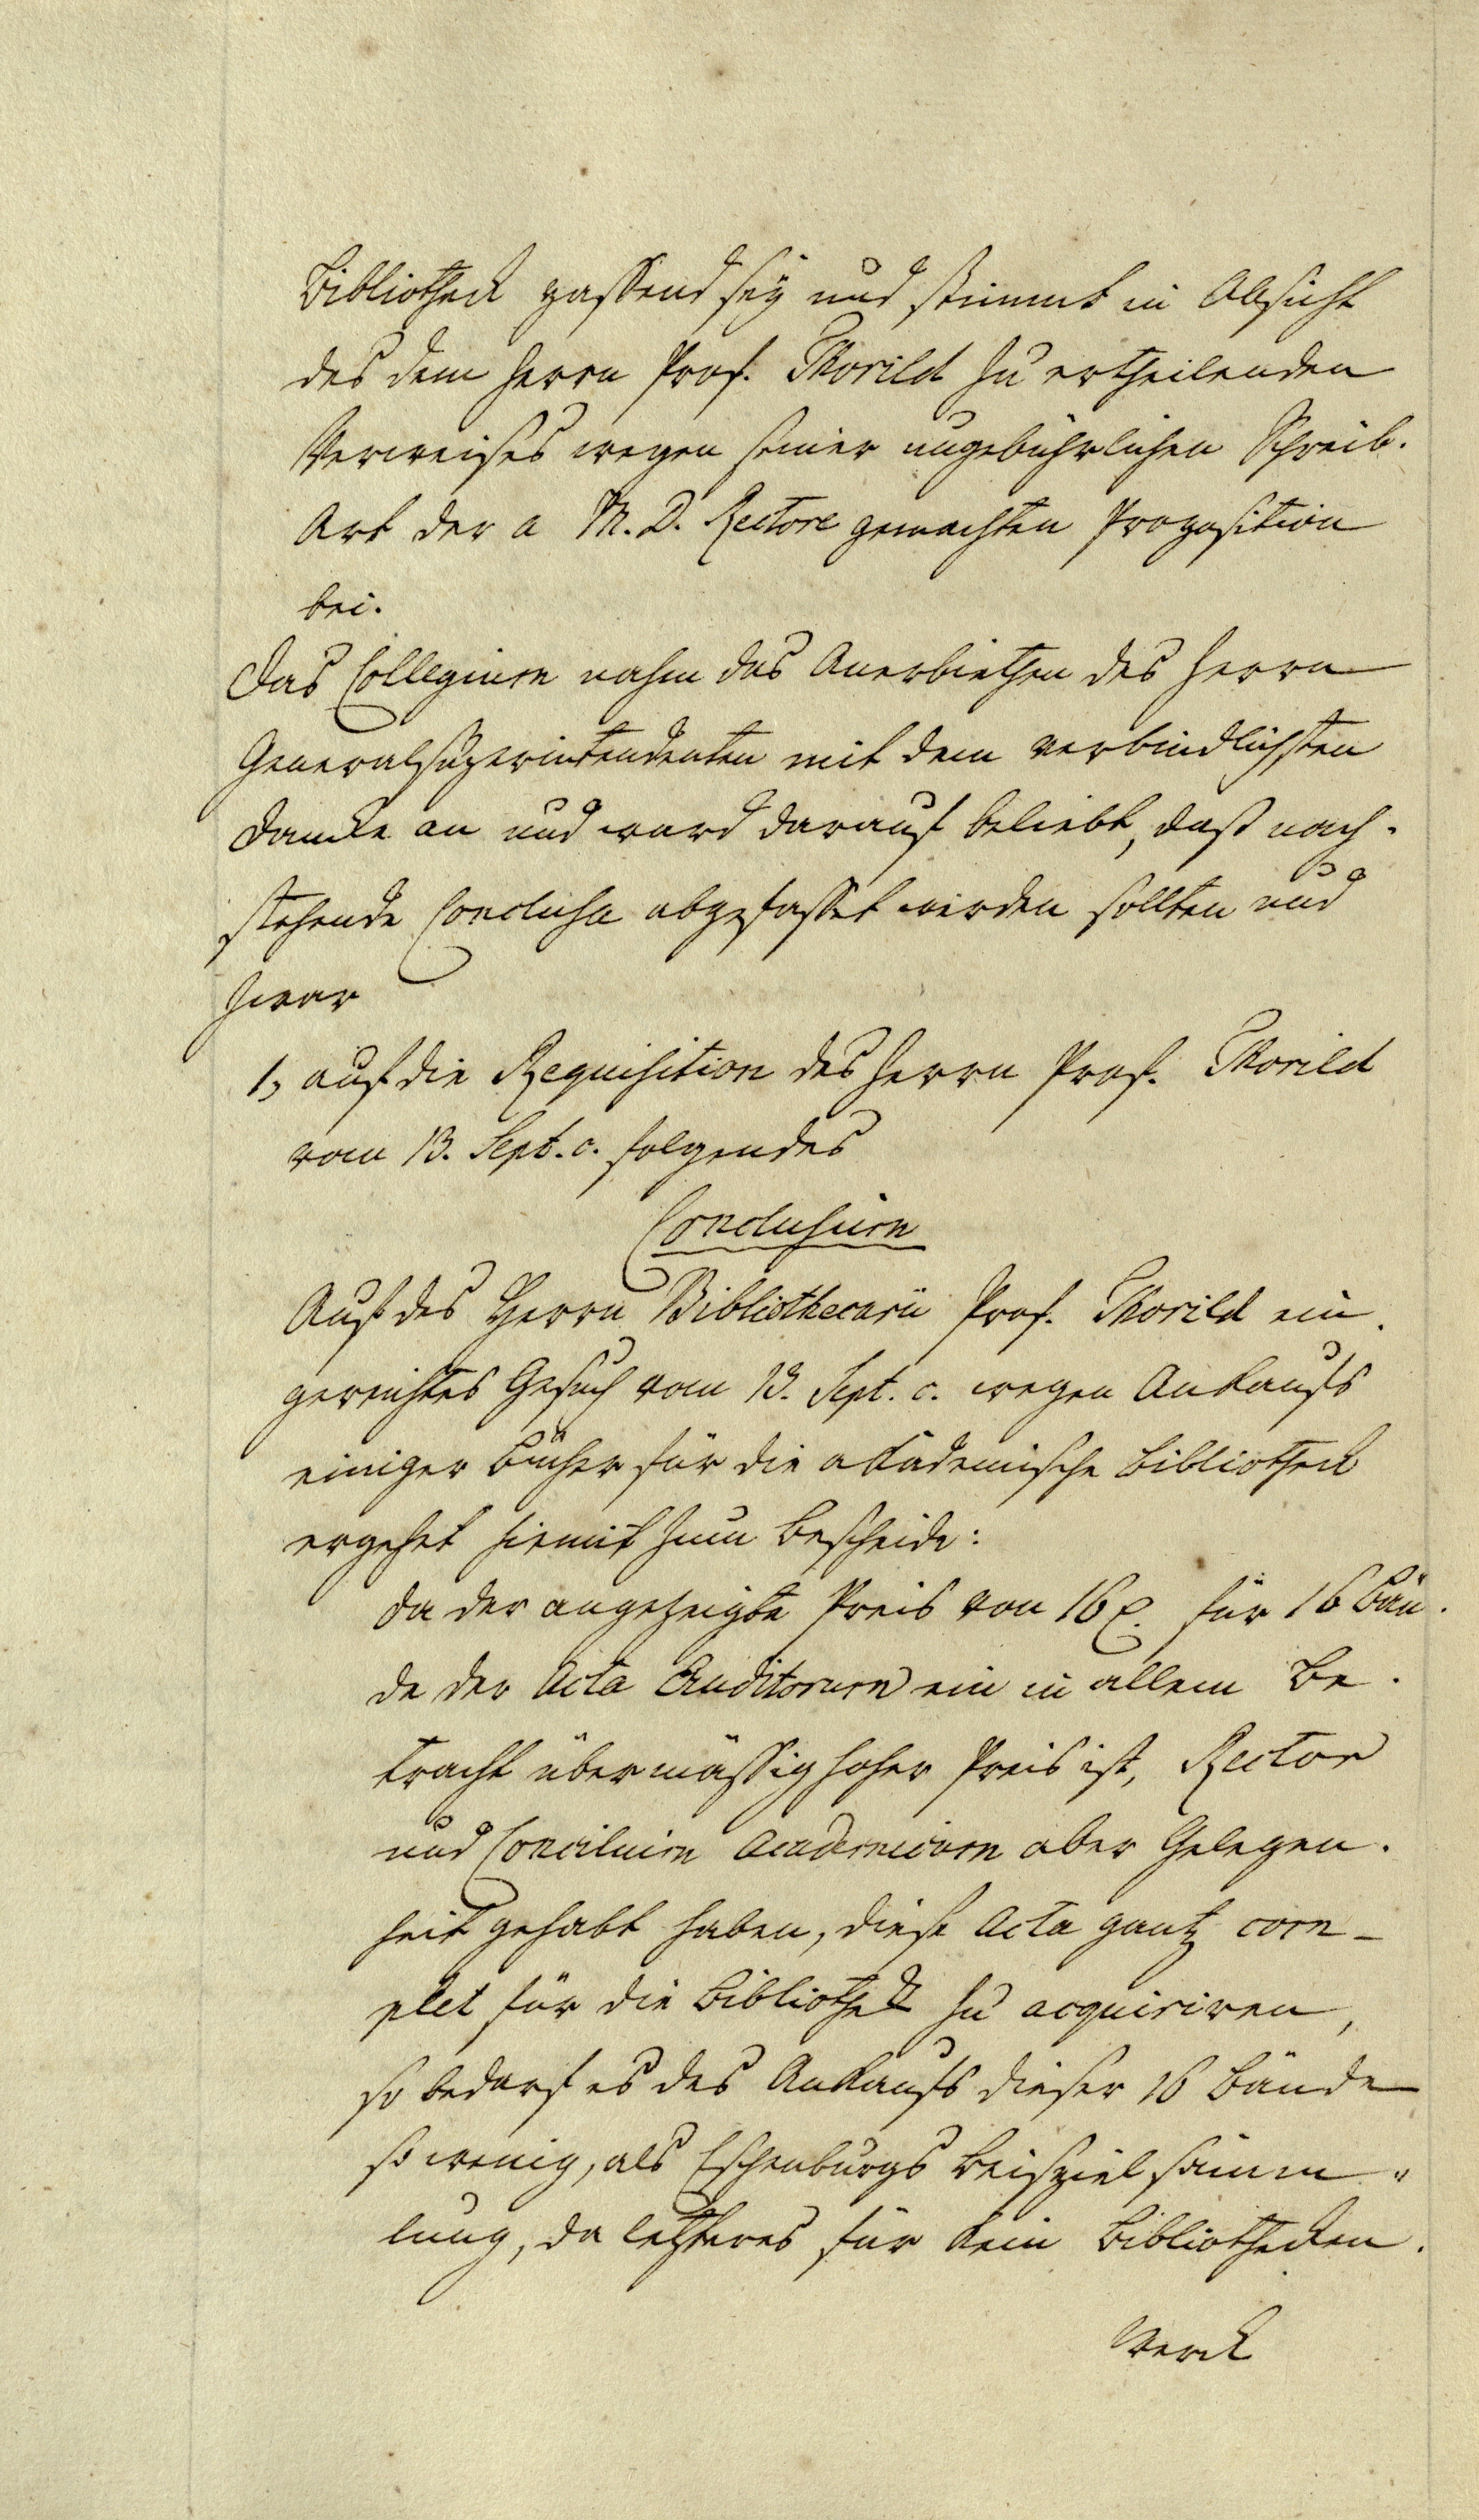Bibliotheck passend seÿ und stimmt in Absicht
des dem Herrn Prof. Thorild zu ertheilenden
Verweises wegen seiner ungebührlichen Schreib
Art der a M. D. Rectore gemachten Proposition
bei.
Das Collegium nahm das Anerbiethen des Herrn
Generalsuperintendenten mit dem verbindlichsten
Dancke an und ward darauf beliebt, daß nach¬
stehende Conclusa abgefasset werden sollten und
zwar
1. auf die Requisition des Herrn Prof. Thorild
vom 13. Sept. c. folgendes
Conclusum
Auf des Herrn Bibleothecarii Prof. Thorild ein¬
gereichtes Gesuch vom 13. Sept. c. wegen Ankaufs
einiger Bücher für die akademische Bibliotheck
ergehet hiemit zum Bescheide:
da der angezeigte Preis von 16 l. für 16 Bän¬
de der Acta Eruditorum ein in allem Be¬
tracht übermässig hoher Preis ist, Rector
und Concilium Academicum aber Gelegen¬
heit gehabt haben, diese Acta gantz com¬
plet für die Bibliothek zu acquiriren,
so bedarf es des Ankaufs dieser 16 Bände
so wenig, als Eschenburgs Beispielsamm¬
lung, da lezteres für kein Bibliothecken
Werck